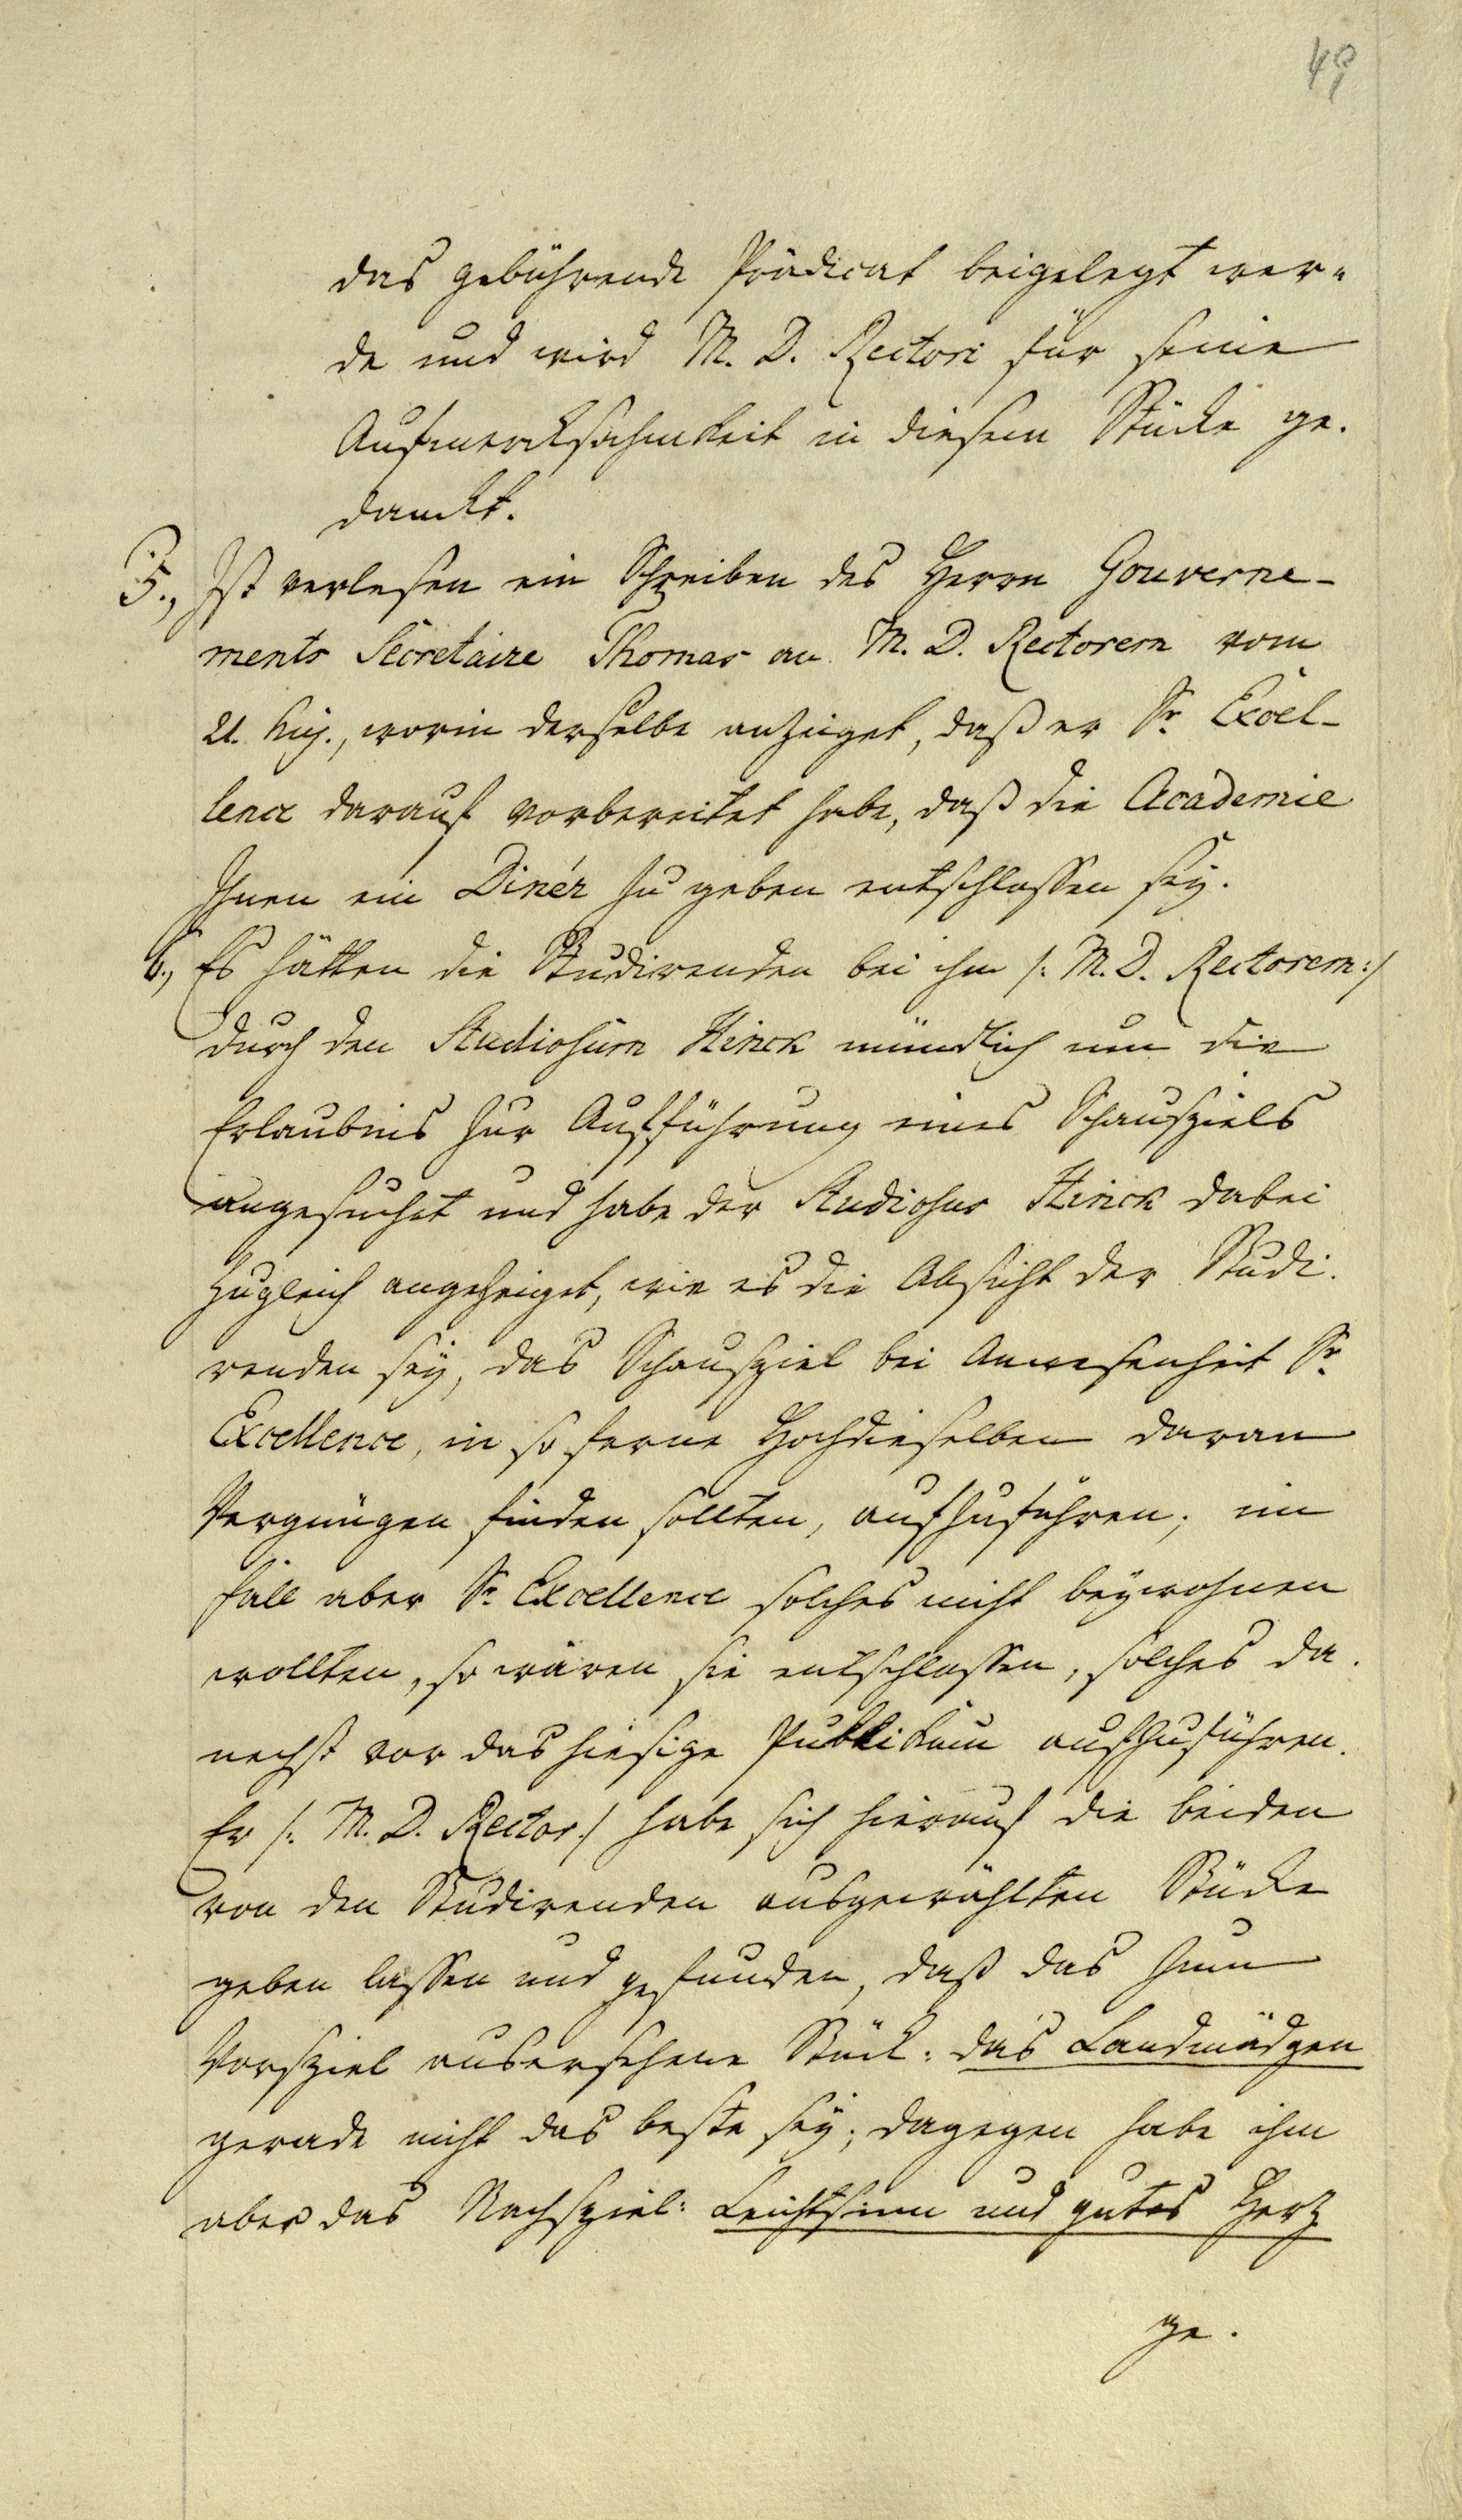das gebührende Prädicat beigelegt wer¬
de und wird M. D. Rectori für seine
Aufmercksahmkeit in diesen Stücke ge¬
danckt.
5., Ist verlesen ein Schreiben des Herrn Gouverne¬
ments Secretaire Thomas an M. D. Rectorem vom
21. huj., worin derselbe anzeiget, daß er Sr Excel¬
lence darauf vorbereitet habe, daß die Academie
Ihnen ein Dinér zu geben entschlossen seÿ.
6., Es hätten die Studirenden bei ihm /. M. D. Rectorem :/
durch den Studiosum Hinck mündlich um die
Erlaubnis zur Aufführung eines Schauspiels
angesuchet und habe der Studiosus Hinck dabei
zugleich angezeiget, wie es die Absicht der Studi¬
renden seÿ, das Schauspiel bei Anwesenheit Sr
Excellence, in so ferne Hochdieselben daran
Vergnügen finden sollten, aufzuführen; im
Fall aber Sr Excellence solches nicht beÿwohnen
wollten, so wären sie entschlossen, solches da¬
nechst vor das hiesige Publikum aufzuführen.
Er /. M. D. Rector ./ habe sich hierauf die beiden
von den Studirenden ausgewählten Stücke
geben lassen und gefunden, daß das zum
Vorspiel ausersehene Stück: das Landmädgen
gerade nicht das beste seÿ, dagegen habe ihm
aber das Nachspiel: Leichtsinn und gutes Herz
ge